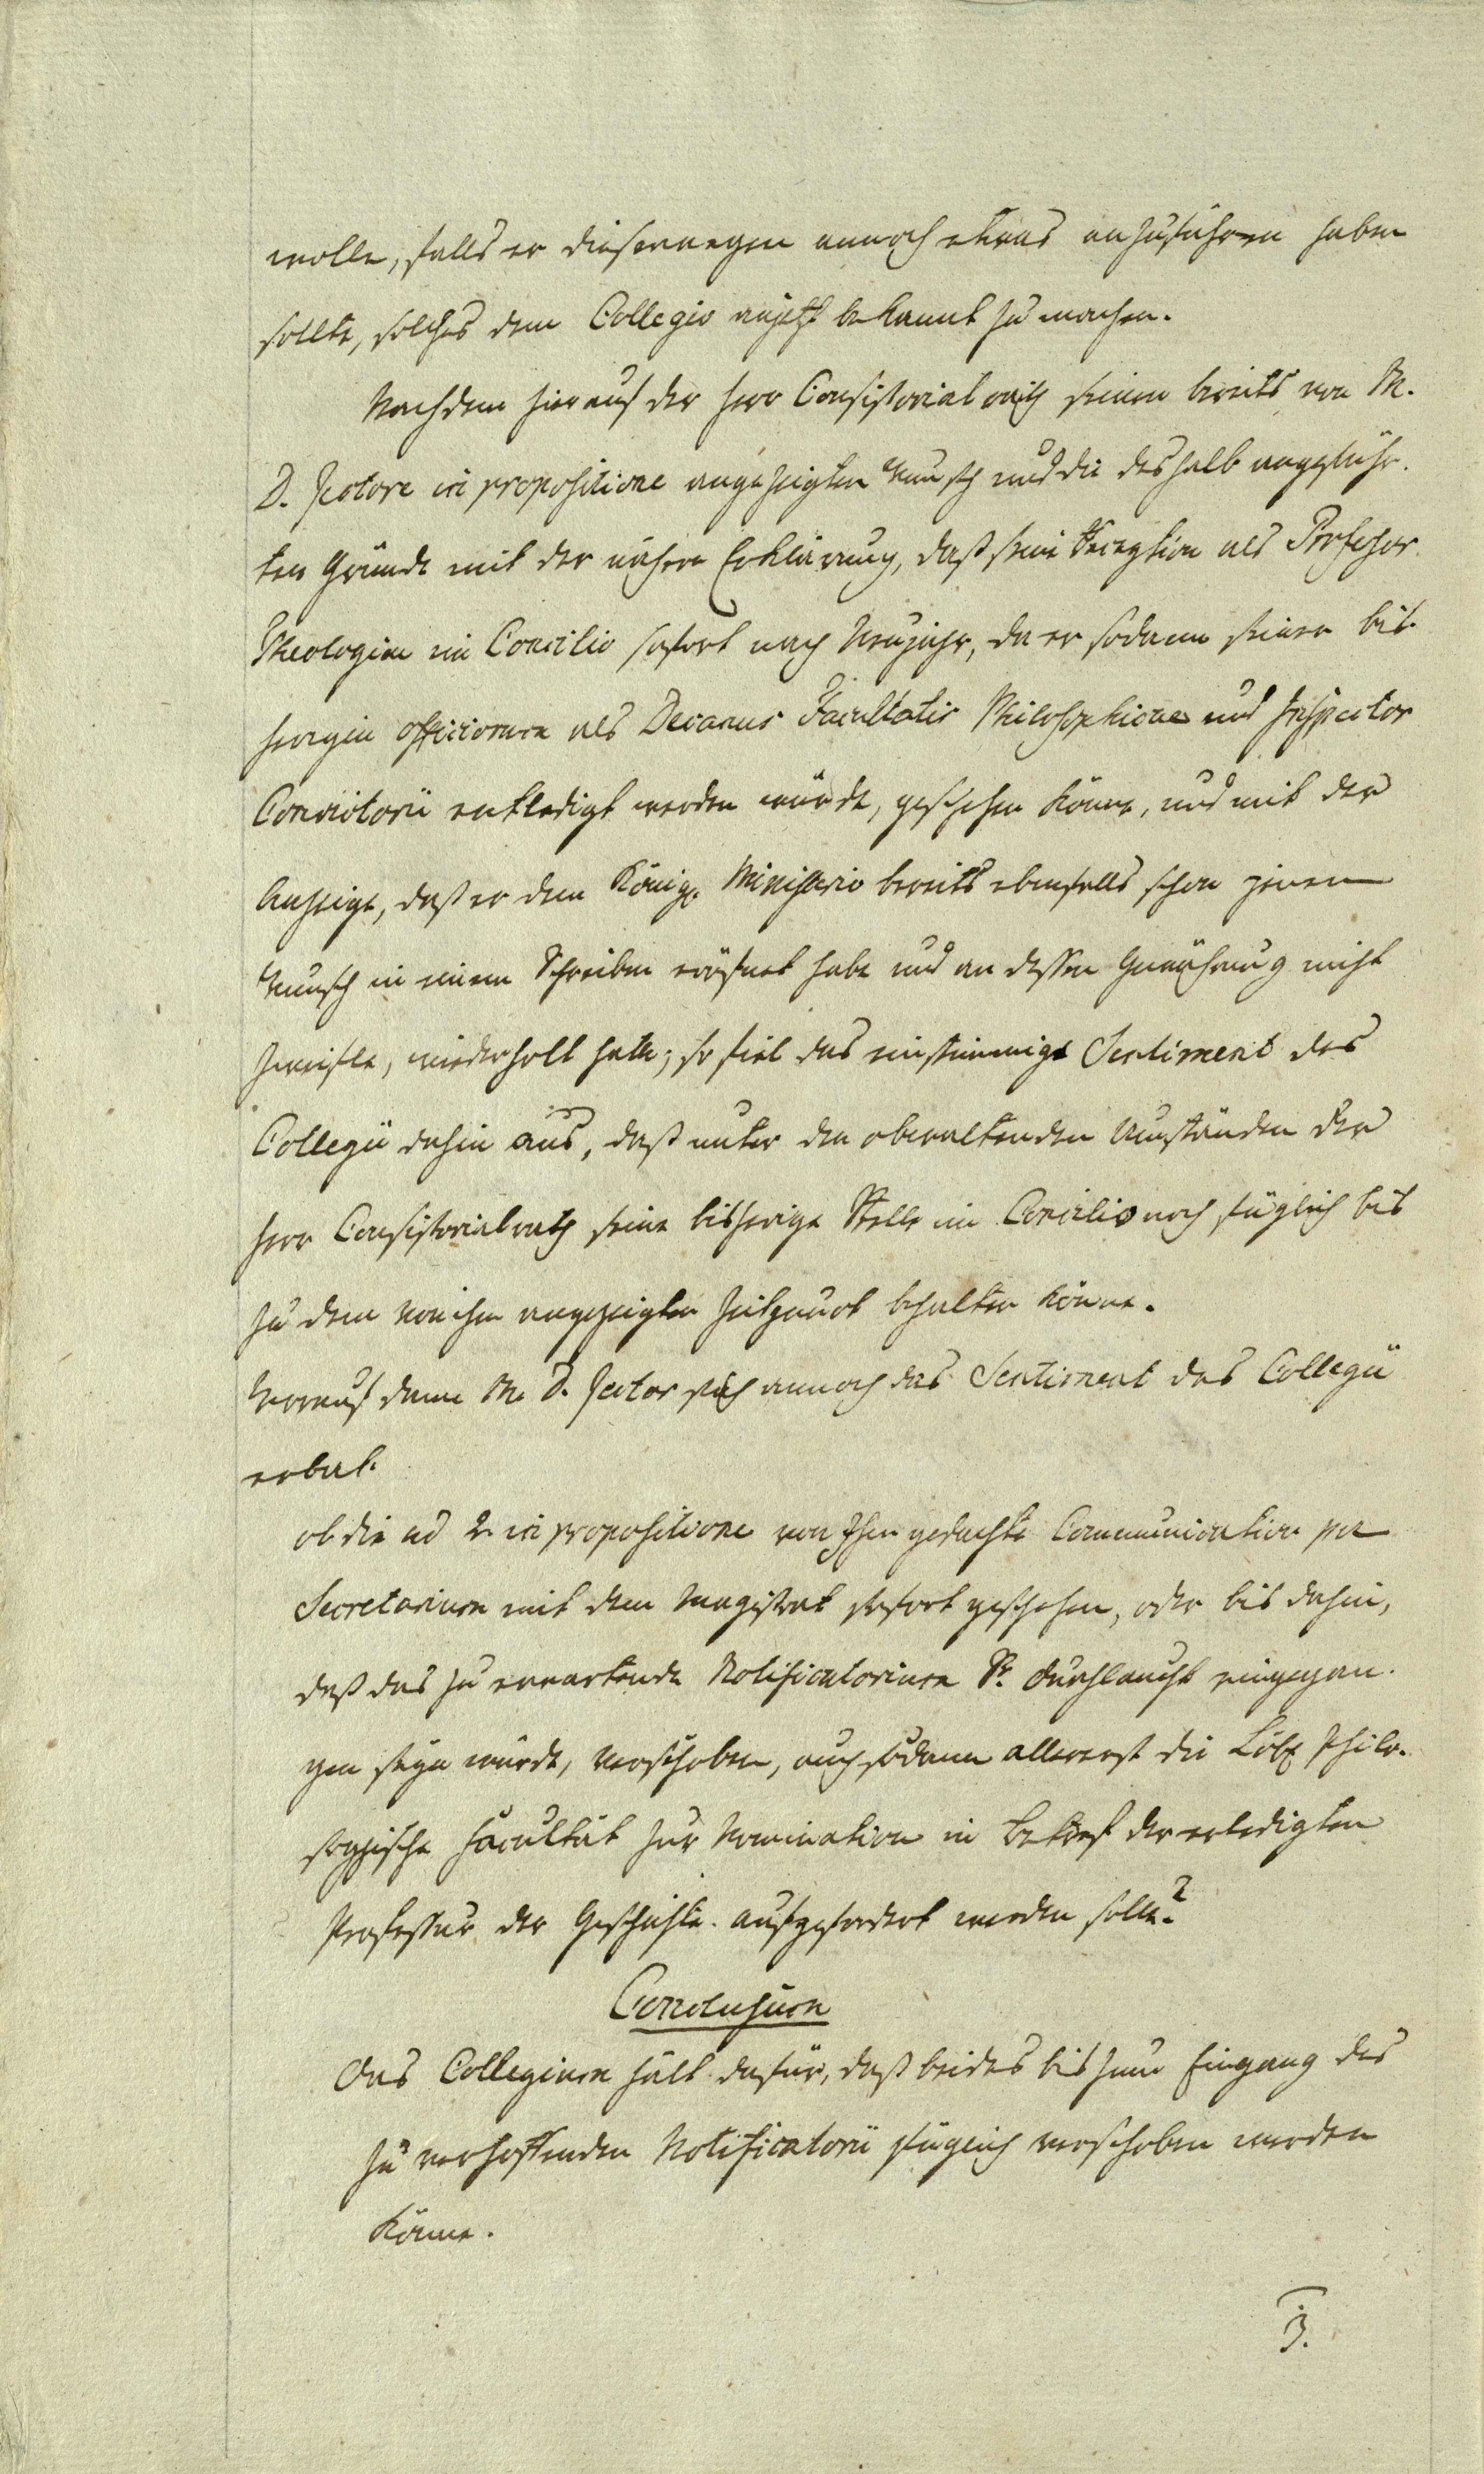wolle, falls er dieserwegen annoch etwas anzuführen haben
sollte, solches dem Collegio anjetzt bekannt zu machen.
Nachdem hierauf der Herr Consistorialrath seinen bereits von M.
D. Rectore in propositione angezeigten Wunsch und die deshalb angeführ¬
ten Gründe mit der nähern Erklärung, daß seine Reception als Professor
Theologiae im Concilio sofort nach Neujahr, der sodann seiner bis¬
herigen officiorum als Decanus Facultatis Philosophicae und Inspector
Convictorii entlediget werden würde, geschehen könne, und mit der
Anzeige, daß er dem Königl. Ministerio bereits ebenfalls schon jenen
Wunsch in einem Schreiben eröfnet habe und an dessen Gewährung nicht
zweifle, wiederholt hatte; so fiel das einstimmige Sentiment des
Collegii dahin aus, daß unter den obwaltenden Umständen der
Herr Consistorialrath seine bisherige Stelle in Concilio noch füglich bis
zu dem ihm angezeigten Zeitpunct behalten könne.
Worauf dem M. D. Rector sich annoch das Sentiment des Collegii
erbat.
ob die ad 2. in propositione von Ihm gedachte Communication per
Secretarium mit dem Magistrat sofort geschehen, oder bis dahin,
daß das zu erwartende Notificatorium Sr Durchlaucht eingegan¬
gen seÿn würde, verschoben, auch sodann allererst die Löbl Philo¬
sophische Facultät zur Nomination in Betref der erledigten
Professur der Geschichte. aufgefordert werden solle?
Conclusum
Das Collegium hält dafür, daß beides bis zum Eingang des
zu verhoffenden Notificatorii füglich verschoben werden
könne.
3.